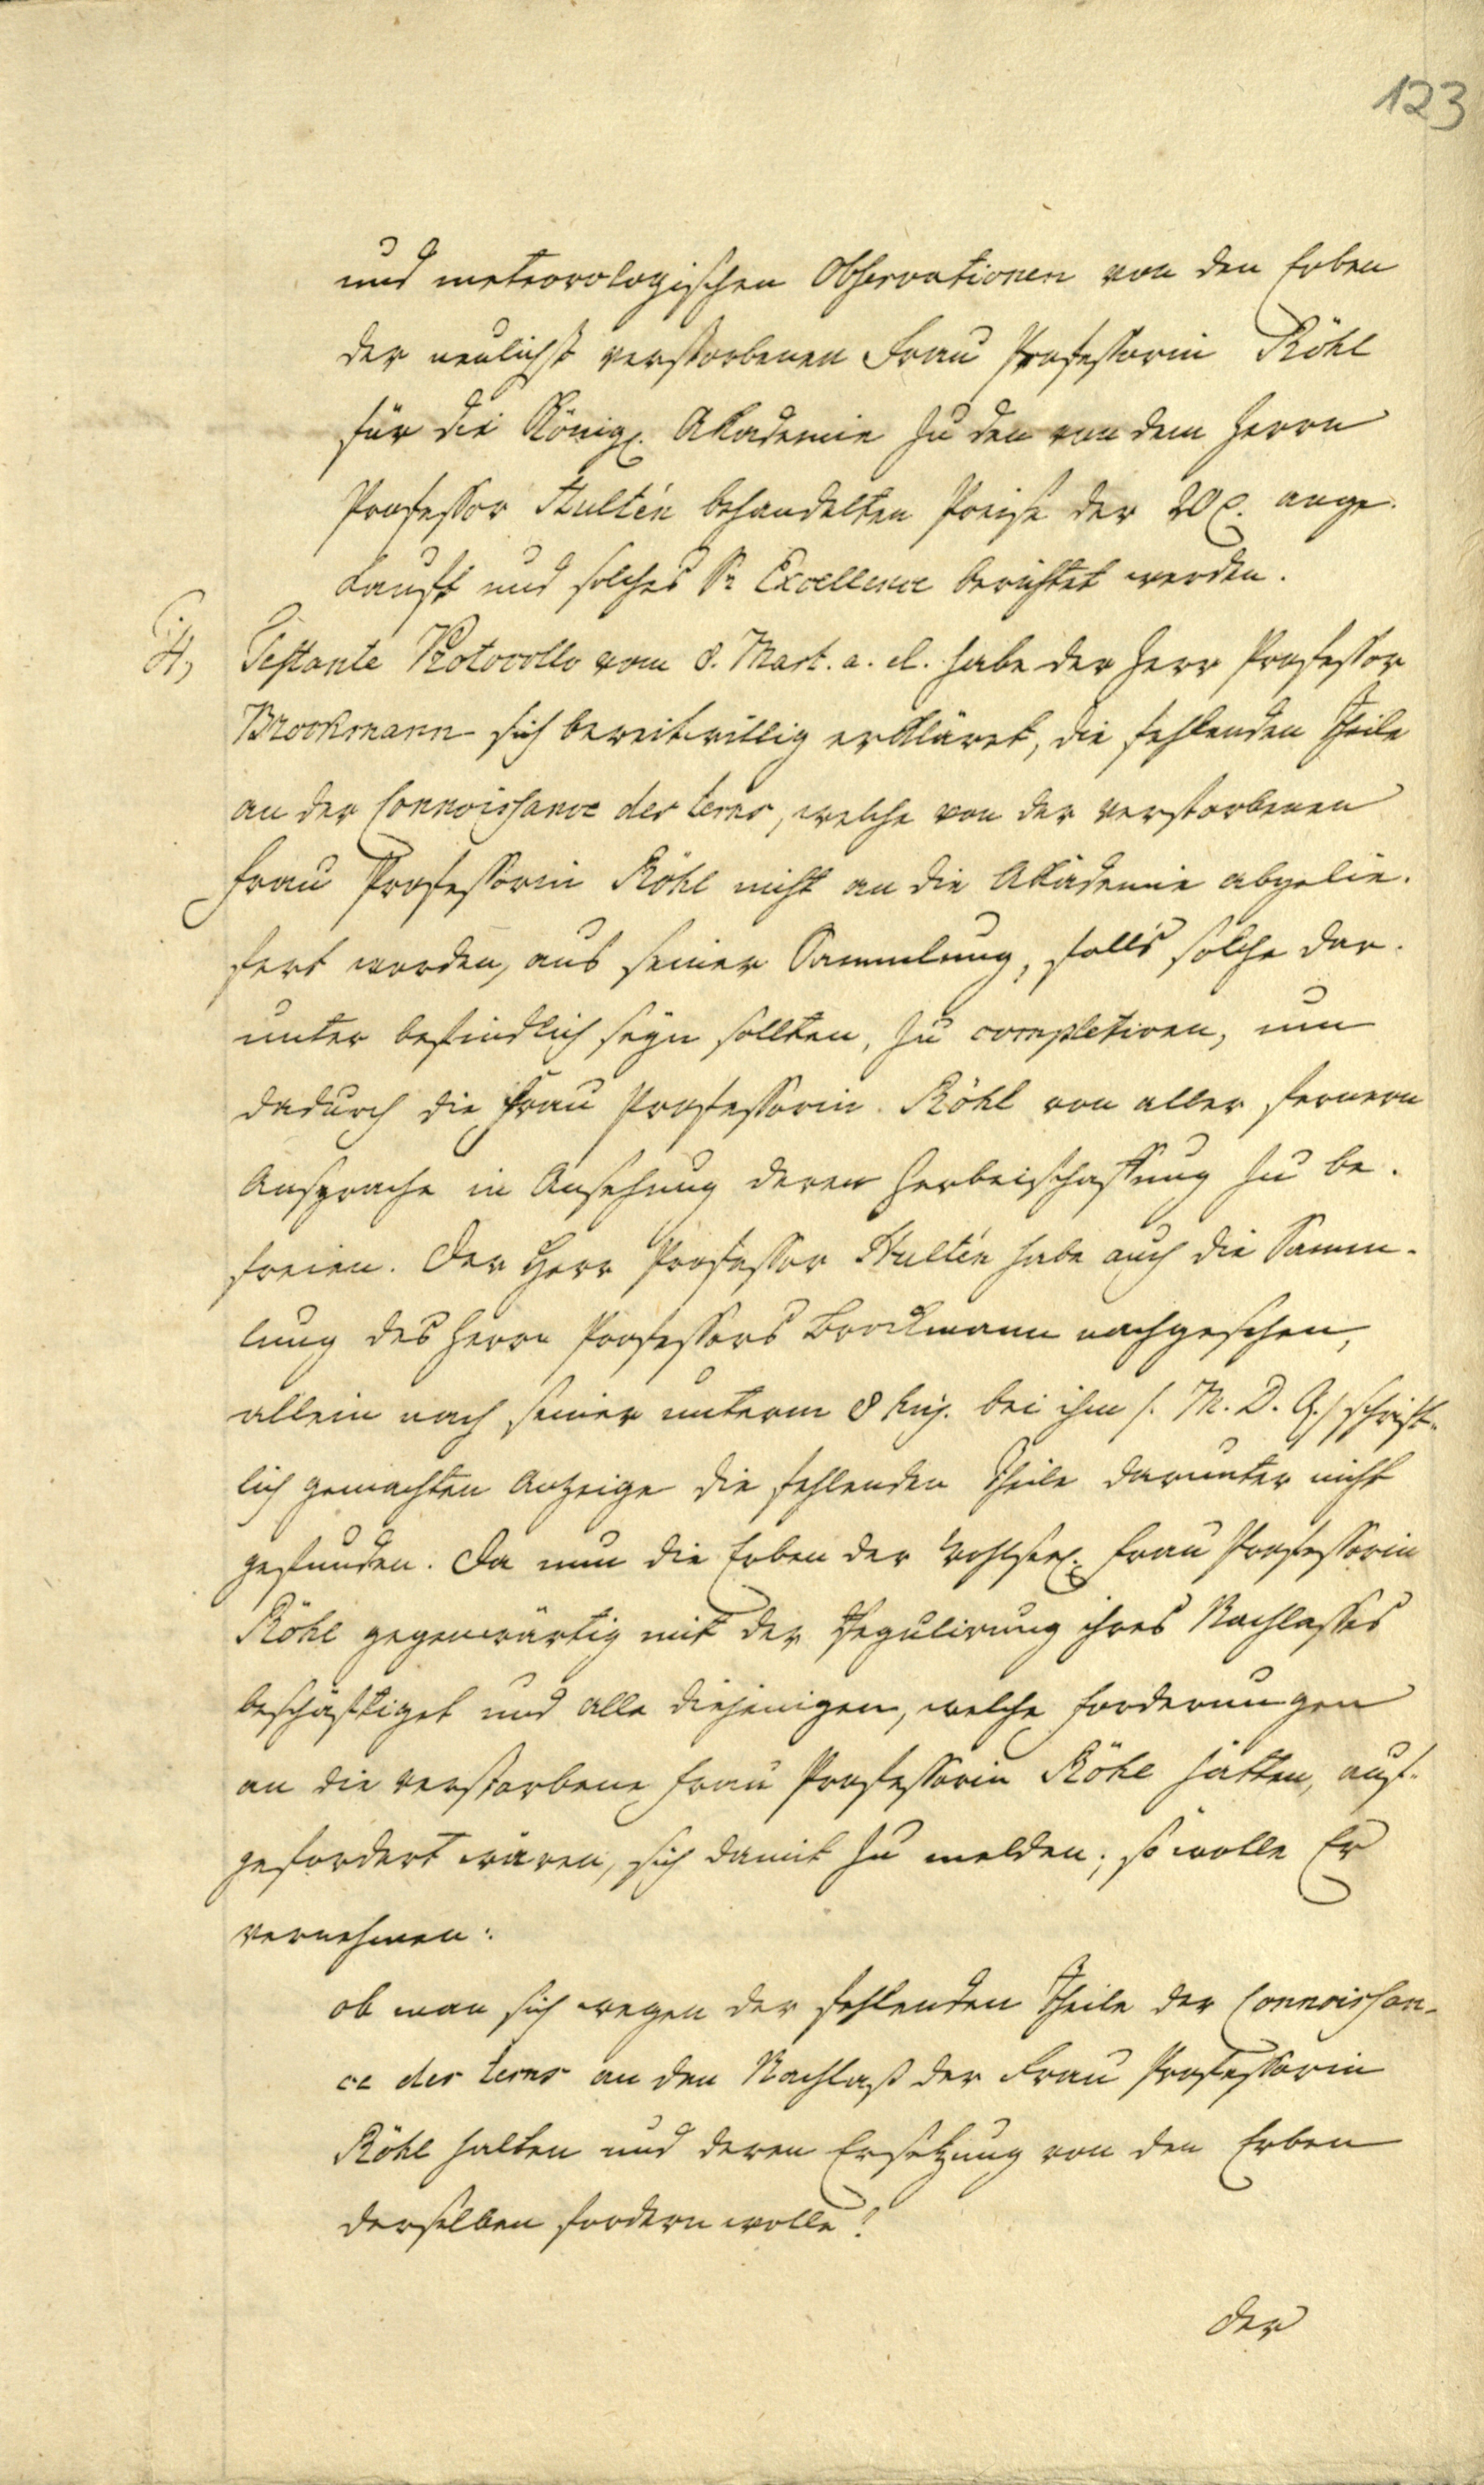und meteorologischen Observationen von den Erben
der neulichst verstorbenen Frau Professorin Röhl
für die Königl. Akademie zu den von dem Herrn
Professor Hultén behandelten Preise der 20 l. ange¬
kauft und solches Sr Excellence berichtet werden.
4, Testante Protocollo vom 8 Mart. a. el. habe der Herr Professor
Brockmann sich bereitwillig erkläret, die fehlenden Theile
an der Connaissance des terns, welche von der verstorbenen
Frau Professorin Röhl nicht an die Akademie abgelie¬
fert worden, aus seiner Sammlung, falls solche dar¬
unter befindlich seÿn sollten, zu completiren, um
dadurch die Frau Professorin Röhl von aller fernere
Ansprache in Ansehung deren Herbeischaffung zu be¬
freien. Der Herr Professor Hultén habe auch die Samm¬
lung des Herrn Professors Brockmann nachgesehen,
allein nach seiner unterm 8. huj. bei ihm /. M. D. R./ schrift¬
lich gemachten Anzeige die fehlenden Theile darunter nicht
gefunden. Da nun die Erben der Wohlseel. Frau Professorin
Röhl gegenwärtig mit der Regulirung ihres Nachlasses
beschäftiget und alle diejenigen, welche Forderungen
an die verstorbene Frau Professorin Röhl hätten, auf¬
gefordert wären, sich damit zu melden; so wolle Er
vernehmen:
ob man sich wegen der fehlenden Theile der Connvisson¬
ce des terns an den Nachlaß der Frau Professorin
Röhl halten und deren Ersetzung von den Erben
derselben fordern wolle?
der